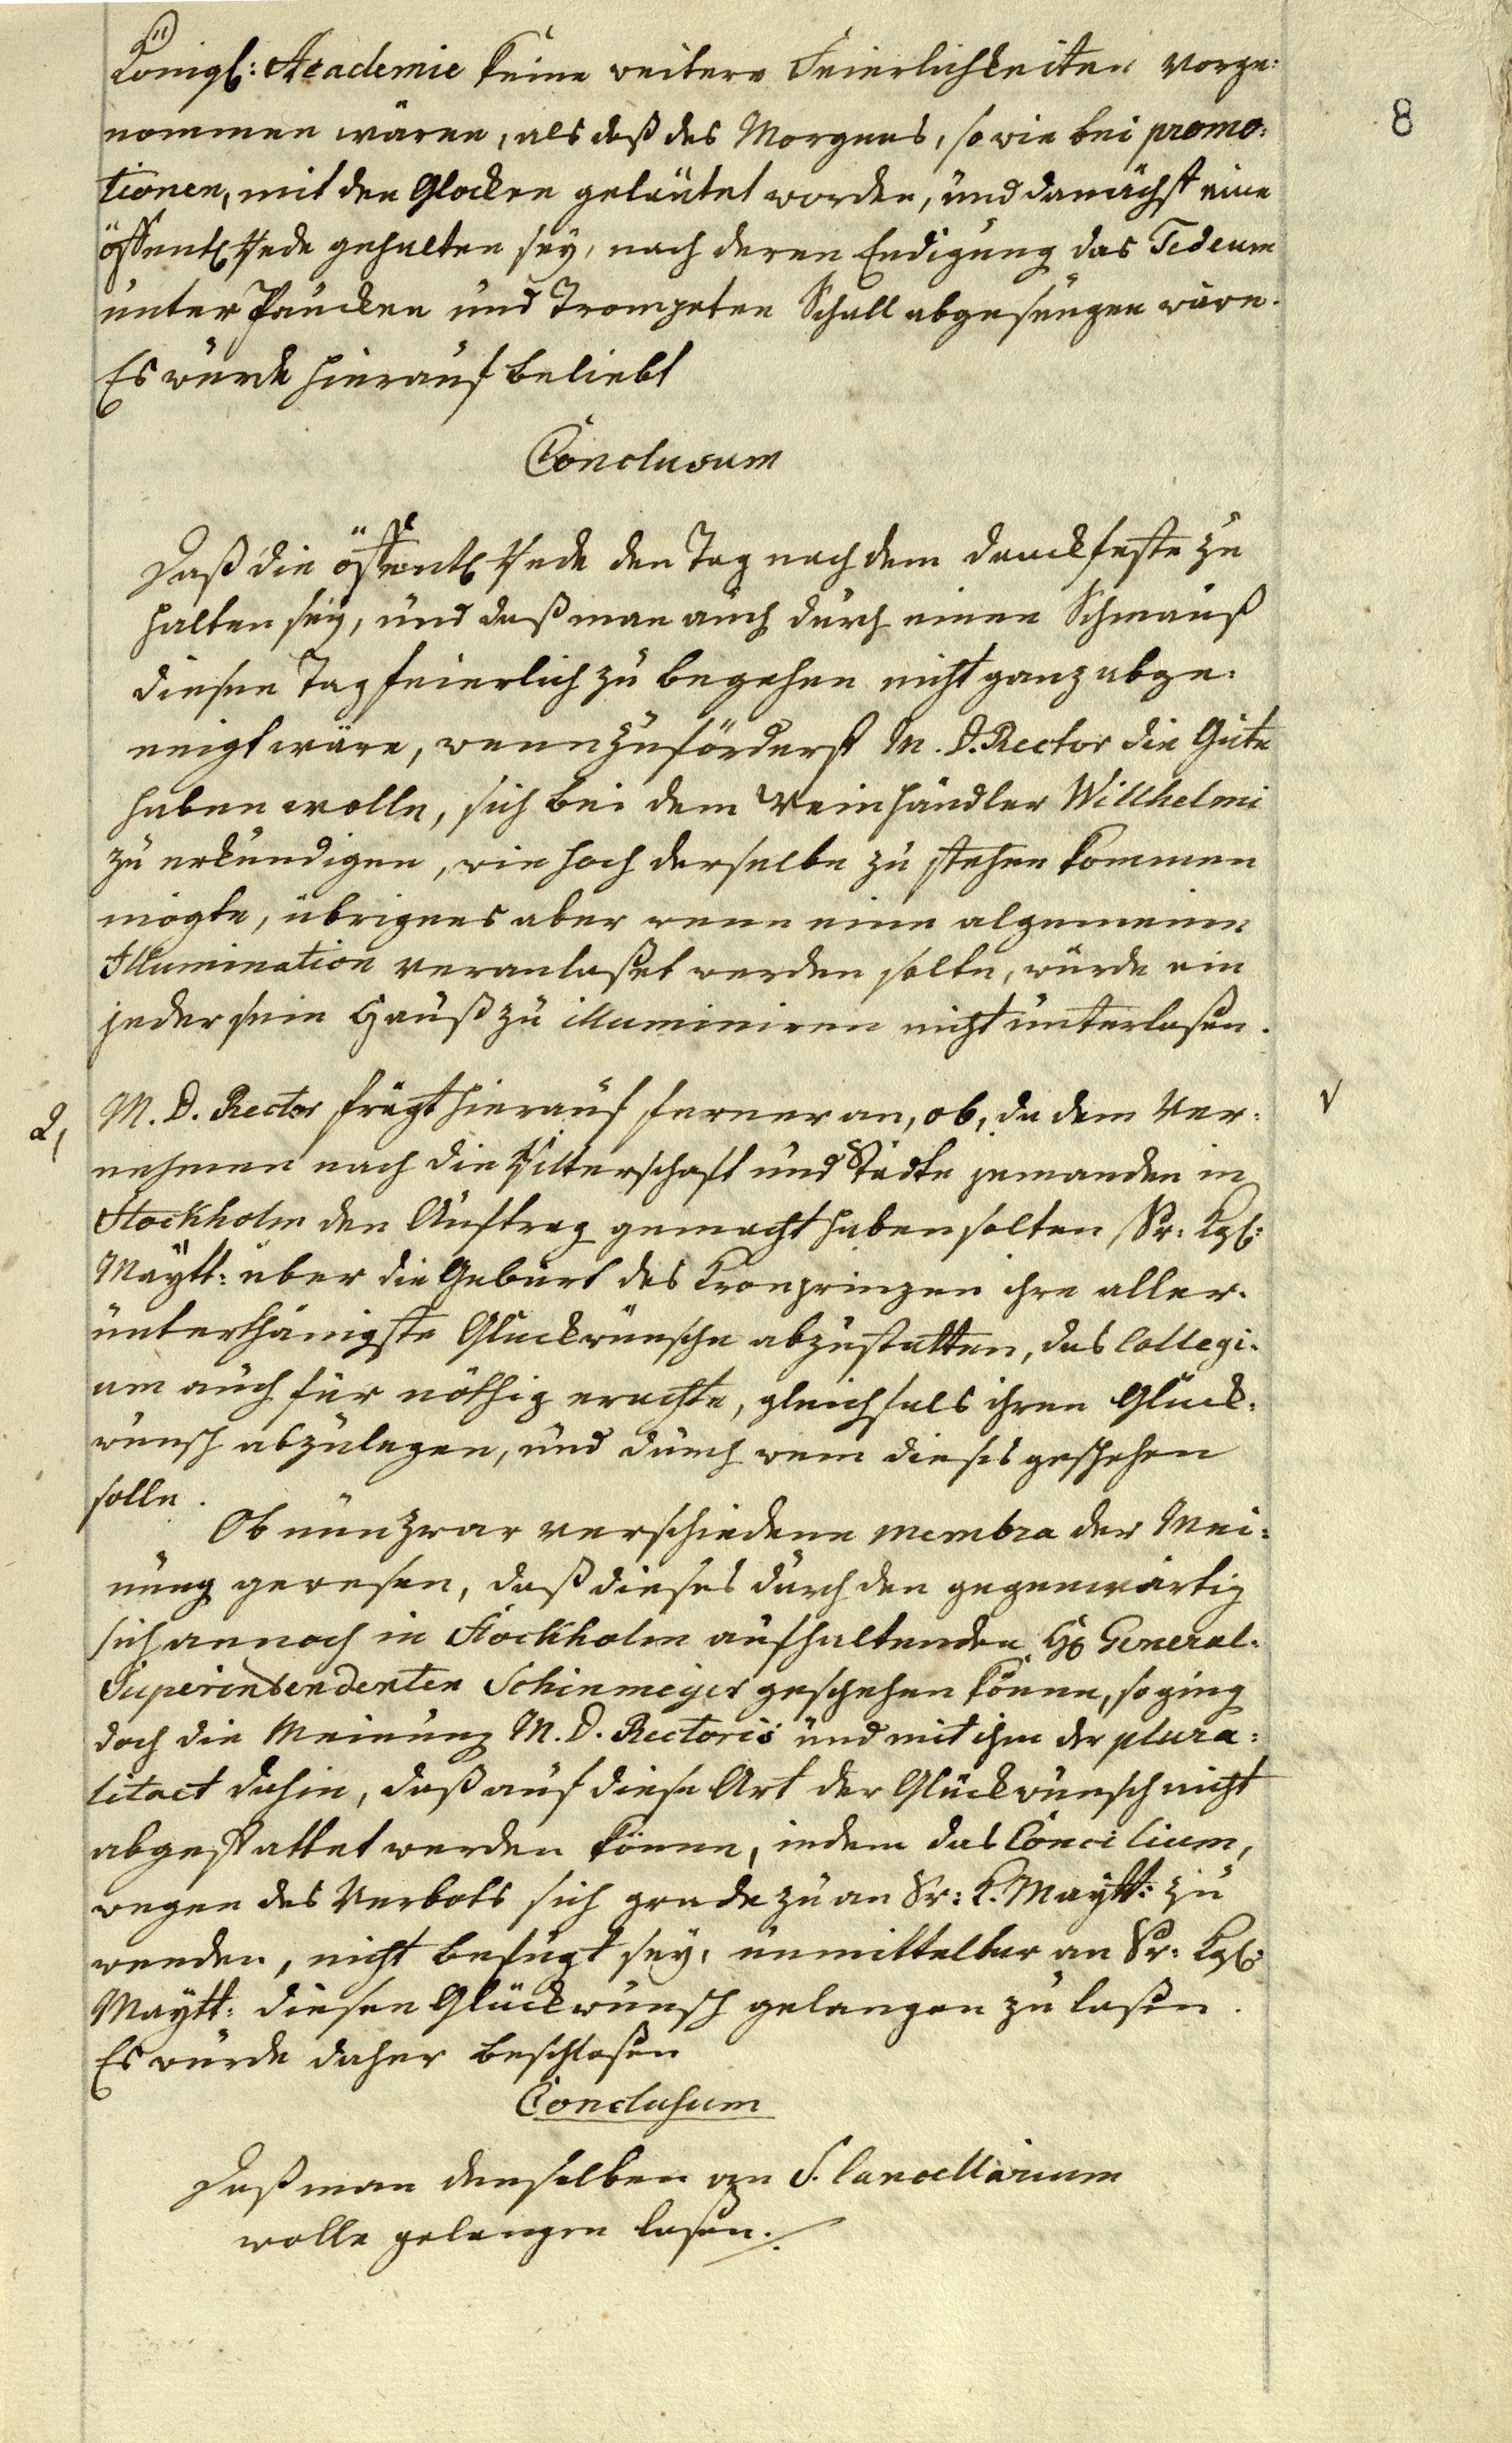Königl. Academie keine weitern Feierlichkeiten vorge¬
nommen wären, als daß des Morgens, so wie bei promo¬
tionen, mit den Glocken geläutet worden, und danächst eine,
öffentl. Rede gehalten seÿ, nach deren Endigung das Tedeum
unter Paucken und Trompeten Schall abgesungen wäre.
Es wurde hierauf beliebt
Conclusum
Daß die öffentl. Rede den Tag nach dem Danckfeste zu
halten seÿ, und daß man auch durch einen Schmauß
diesen Tag feierlich zu begehen nicht ganz abge¬
neigt wäre, wenn zuförderst M. D. Rector die Güte
haben wolle, sich bei dem Weinhändler Willhelmi
zu erkundigen, wie hoch derselbe zu stehen kommen
mögte, übrigens aber wenn eine algemeine
Illumination veranlaßet werden solte, würde ein
jeder sein Hauß zu illuminiren nicht unterlaßen.
2, M. D. Rector frägt hierauf ferner an, ob, da dem Ver¬
nehmen nach die Ritterschaft und Städte jemanden in
Stockholm den Auftrag gemacht haben solten Sr. Kgl.
Maÿtt. über die Geburt des Kronprinzen ihre aller¬
unterthänigste Glückwünsche abzustatten, das Collegi¬
um auch für nöthig erachte, gleichfals ihren Glück¬
wunsch abzulegen, und durch wem dieses geschehen
solle.
Ob nun zwar verschiedene membra der Mei¬
nung gewesen, daß dieses durch den gegenwärtig
sich annoch in Stockholm aufhaltenden H. General¬
Superintendenten Schinmeÿer geschehen könne, so ging
doch die Meinung M. D. Rectoris und mit ihm der plura¬
litaet dahin, daß auf diese Art der Glückwunsch nicht
abgestattet werden könne, indem das Concilium,
wegen des Verbots sich gradezu an Sr. K. Maÿtt. zu
wenden, nicht befugt seÿ, unmittelbar an Sr. Kgl.
Maÿtt. diesen Glückwunsch gelangen zu laßen.
Es wurde daher beschloßen
Conclusum
Daß man denselben an S. Cancellarium
wolle gelangen laßen.